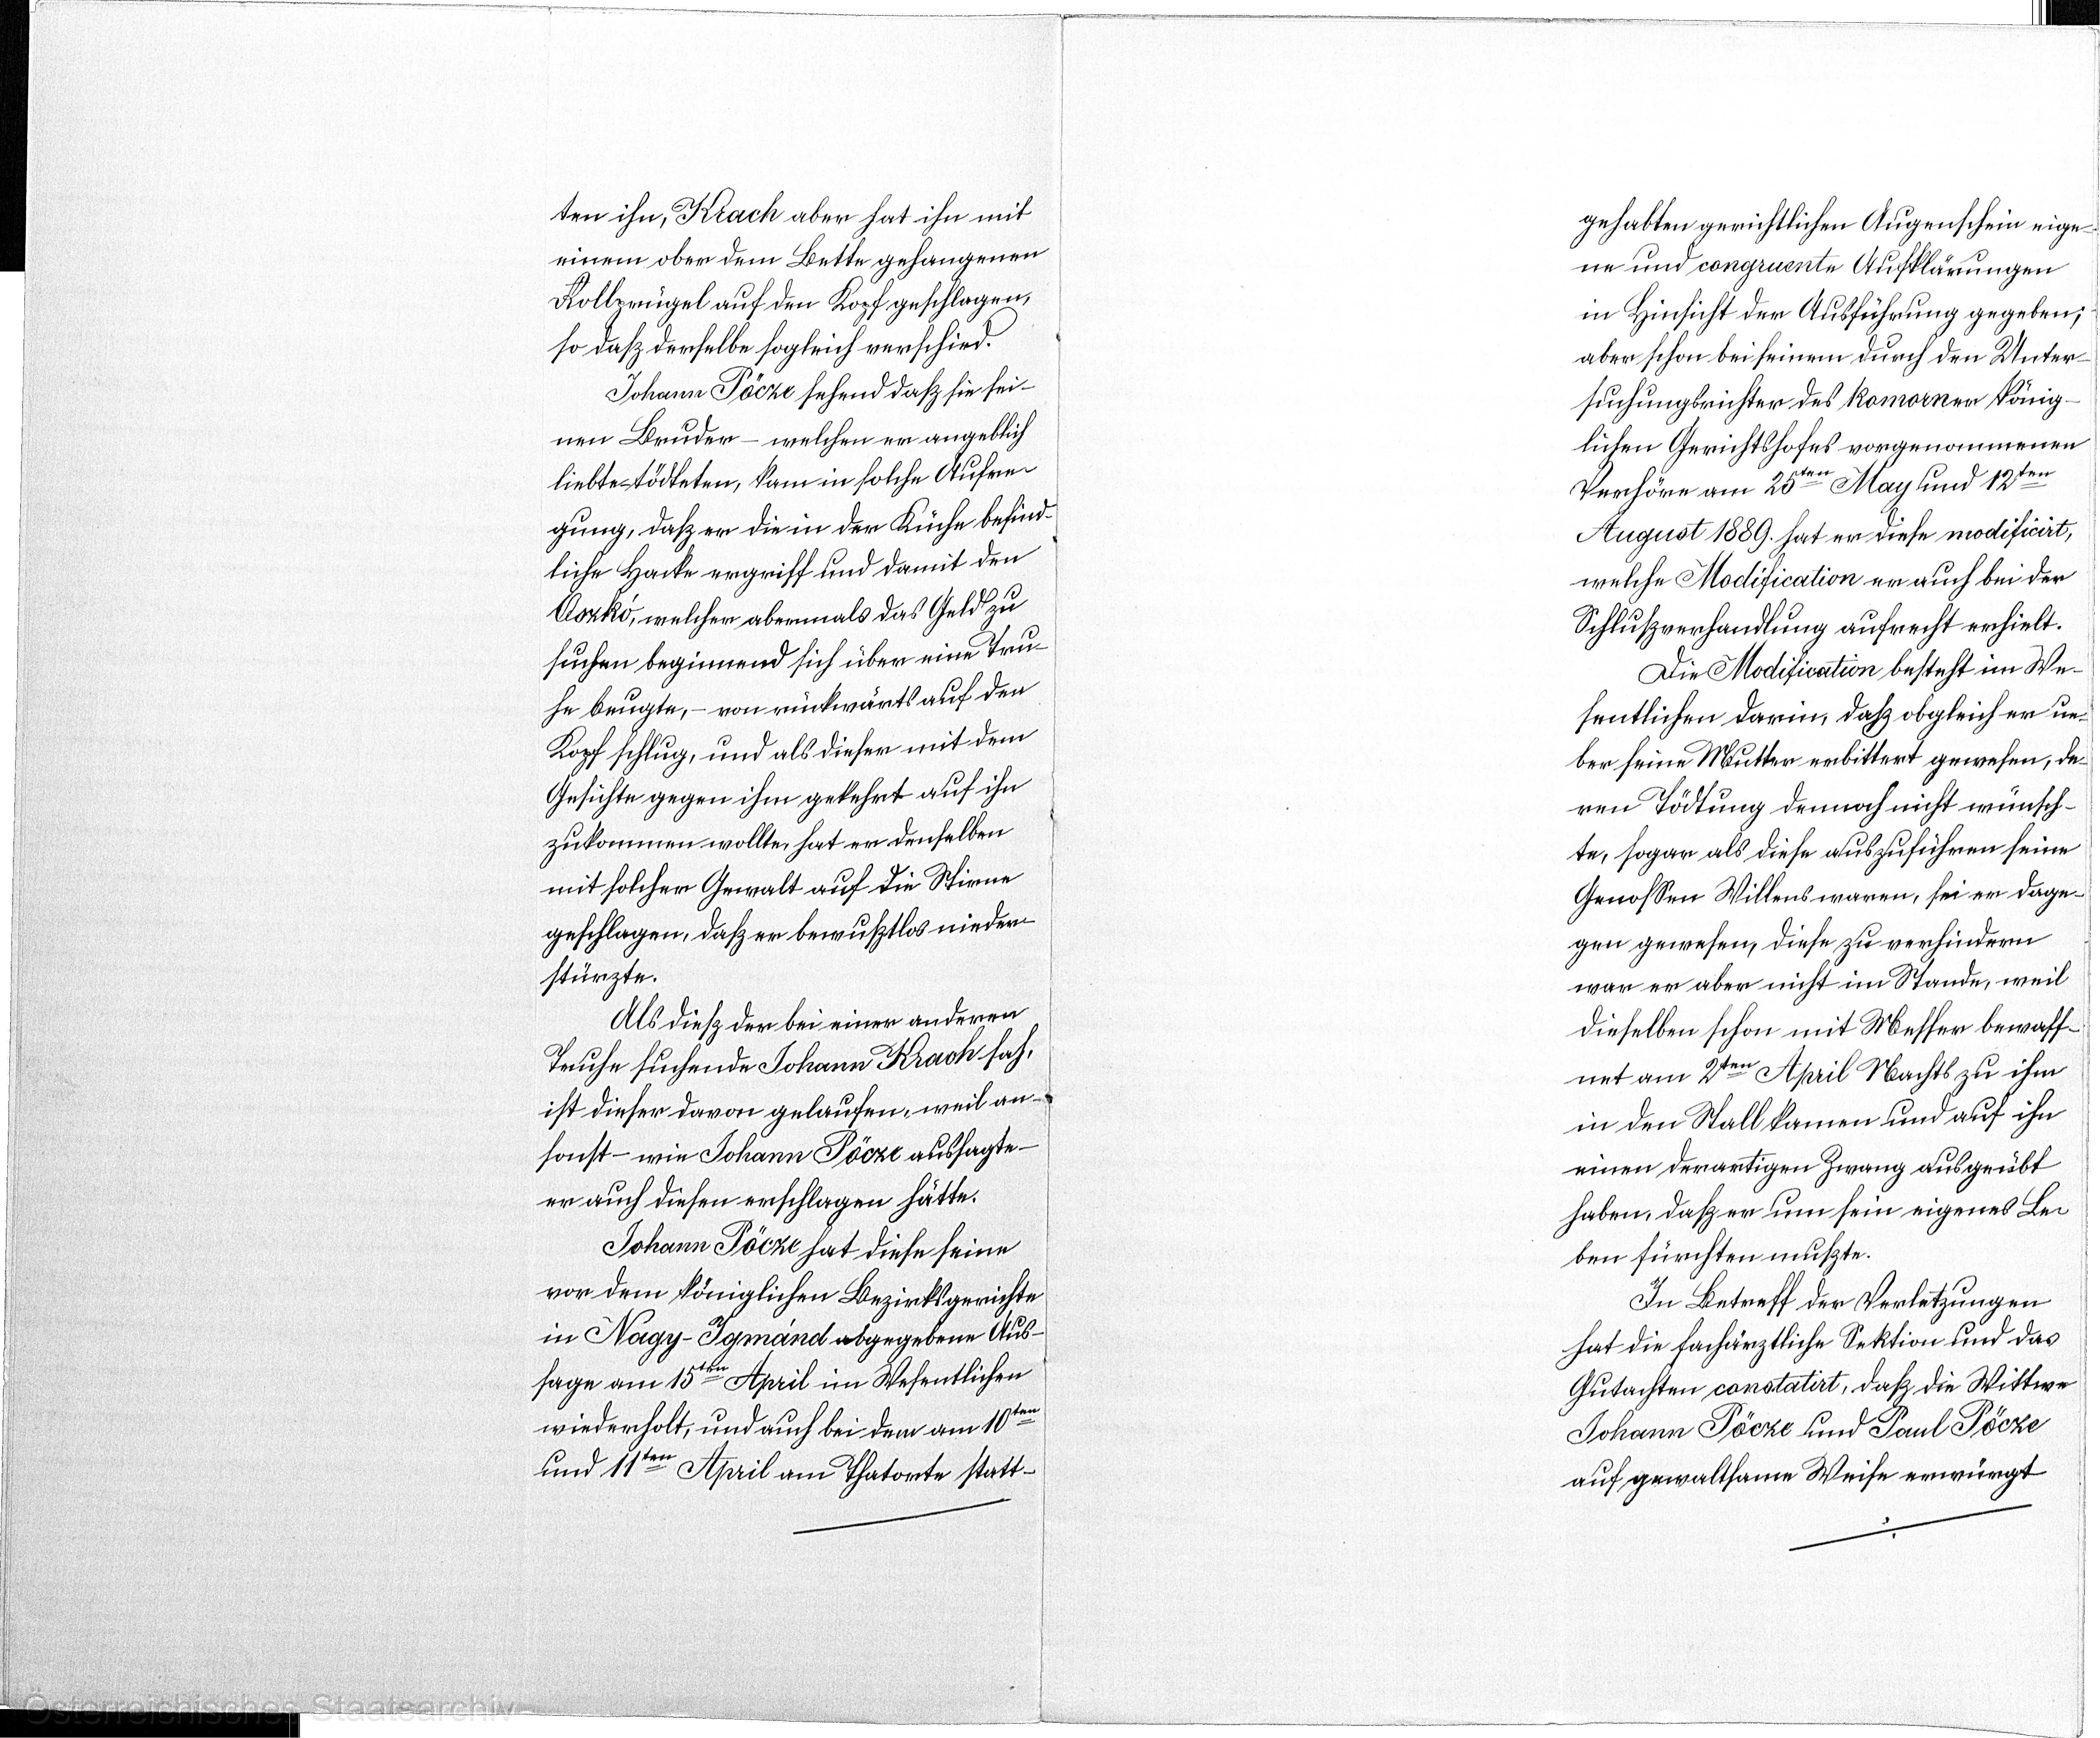ten ihn, Krach aber hat ihn mit
einem ober dem Bette gehangenen
Rollprügel auf den Kopf geschlagen,
so daß derselbe sogleich verschied.
Johann Pöcze sehend daß sie sei¬
nen Bruder – welchen er angeblich
liebte – tödteten, kam in solche Aufre¬
gung, daß er die in der Küche befind¬
liche Hacke ergriff und damit den
Oszkó, welcher abermals das Geld zu
suchen beginnend sich über eine Tru¬
he beugte, -- von rückwärts auf den
Kopf schlug, und als dieser mit dem
Gesichte gegen ihm gekehrt auf ihn
zukommen wollte, hat er denselben
mit solcher Gewalt auf die Stirne
geschlagen, daß er bewußtlos nieder
stürzte.
Als dieß der bei einer anderen
Truhe suchende Johann Krach sah,
ist dieser davon gelaufen, weil an¬
sonst – wie Johann Pöcze aussagte –
er auch diesen erschlagen hätte.
Johann Pöcze hat diese seine
vor dem königlichen Bezirksgerichte
in Nagy-Igmánd abgegebene Aus¬
sage am 15ten April im Wesentlichen
wiederholt, und auch bei dem am 10ten
und 11ten April am Thatorte statt¬
gehabten gerichtlichen Augenschein eige¬
ne und congruente Aufklärungen
in Hinsicht der Ausführung gegeben;
aber schon bei seinem durch den Unter¬
suchungsrichter des komorner könig¬
lichen Gerichtshofes vorgenommenen
Verhöre am 25ten May und 12ten
August 1889 hat er diese modificirt,
welche Modification er auch bei der
Schlußverhandlung aufrecht erhielt.
Die Modification besteht im We¬
sentlichen darin, daß obgleich er ue¬
ber seine Mutter erbittert gewesen, de¬
ren Tödtung dennoach nicht wünsch¬
te, sogar als diese auszuführen seine
Genossen Willens waren, sei er dage¬
gen gewesen, diese zu verhindern
war er aber nicht im Stande, weil
dieselben schon mit Messer bewaff¬
net am 2ten April Nachts zu ihm
in den Stall kamen und auf ihn
einen derartigen Zwang augeübt
haben, daß er um sein eigens Le¬
ben fürchten mußte.
In Betreff der Verletzungen
hat die fachärztliche Sektion und das
Gutachten constatirt, daß die Wittwe
Johann Pöcze und Paul Pöcze
auf gewaltsame Weise erwürgt